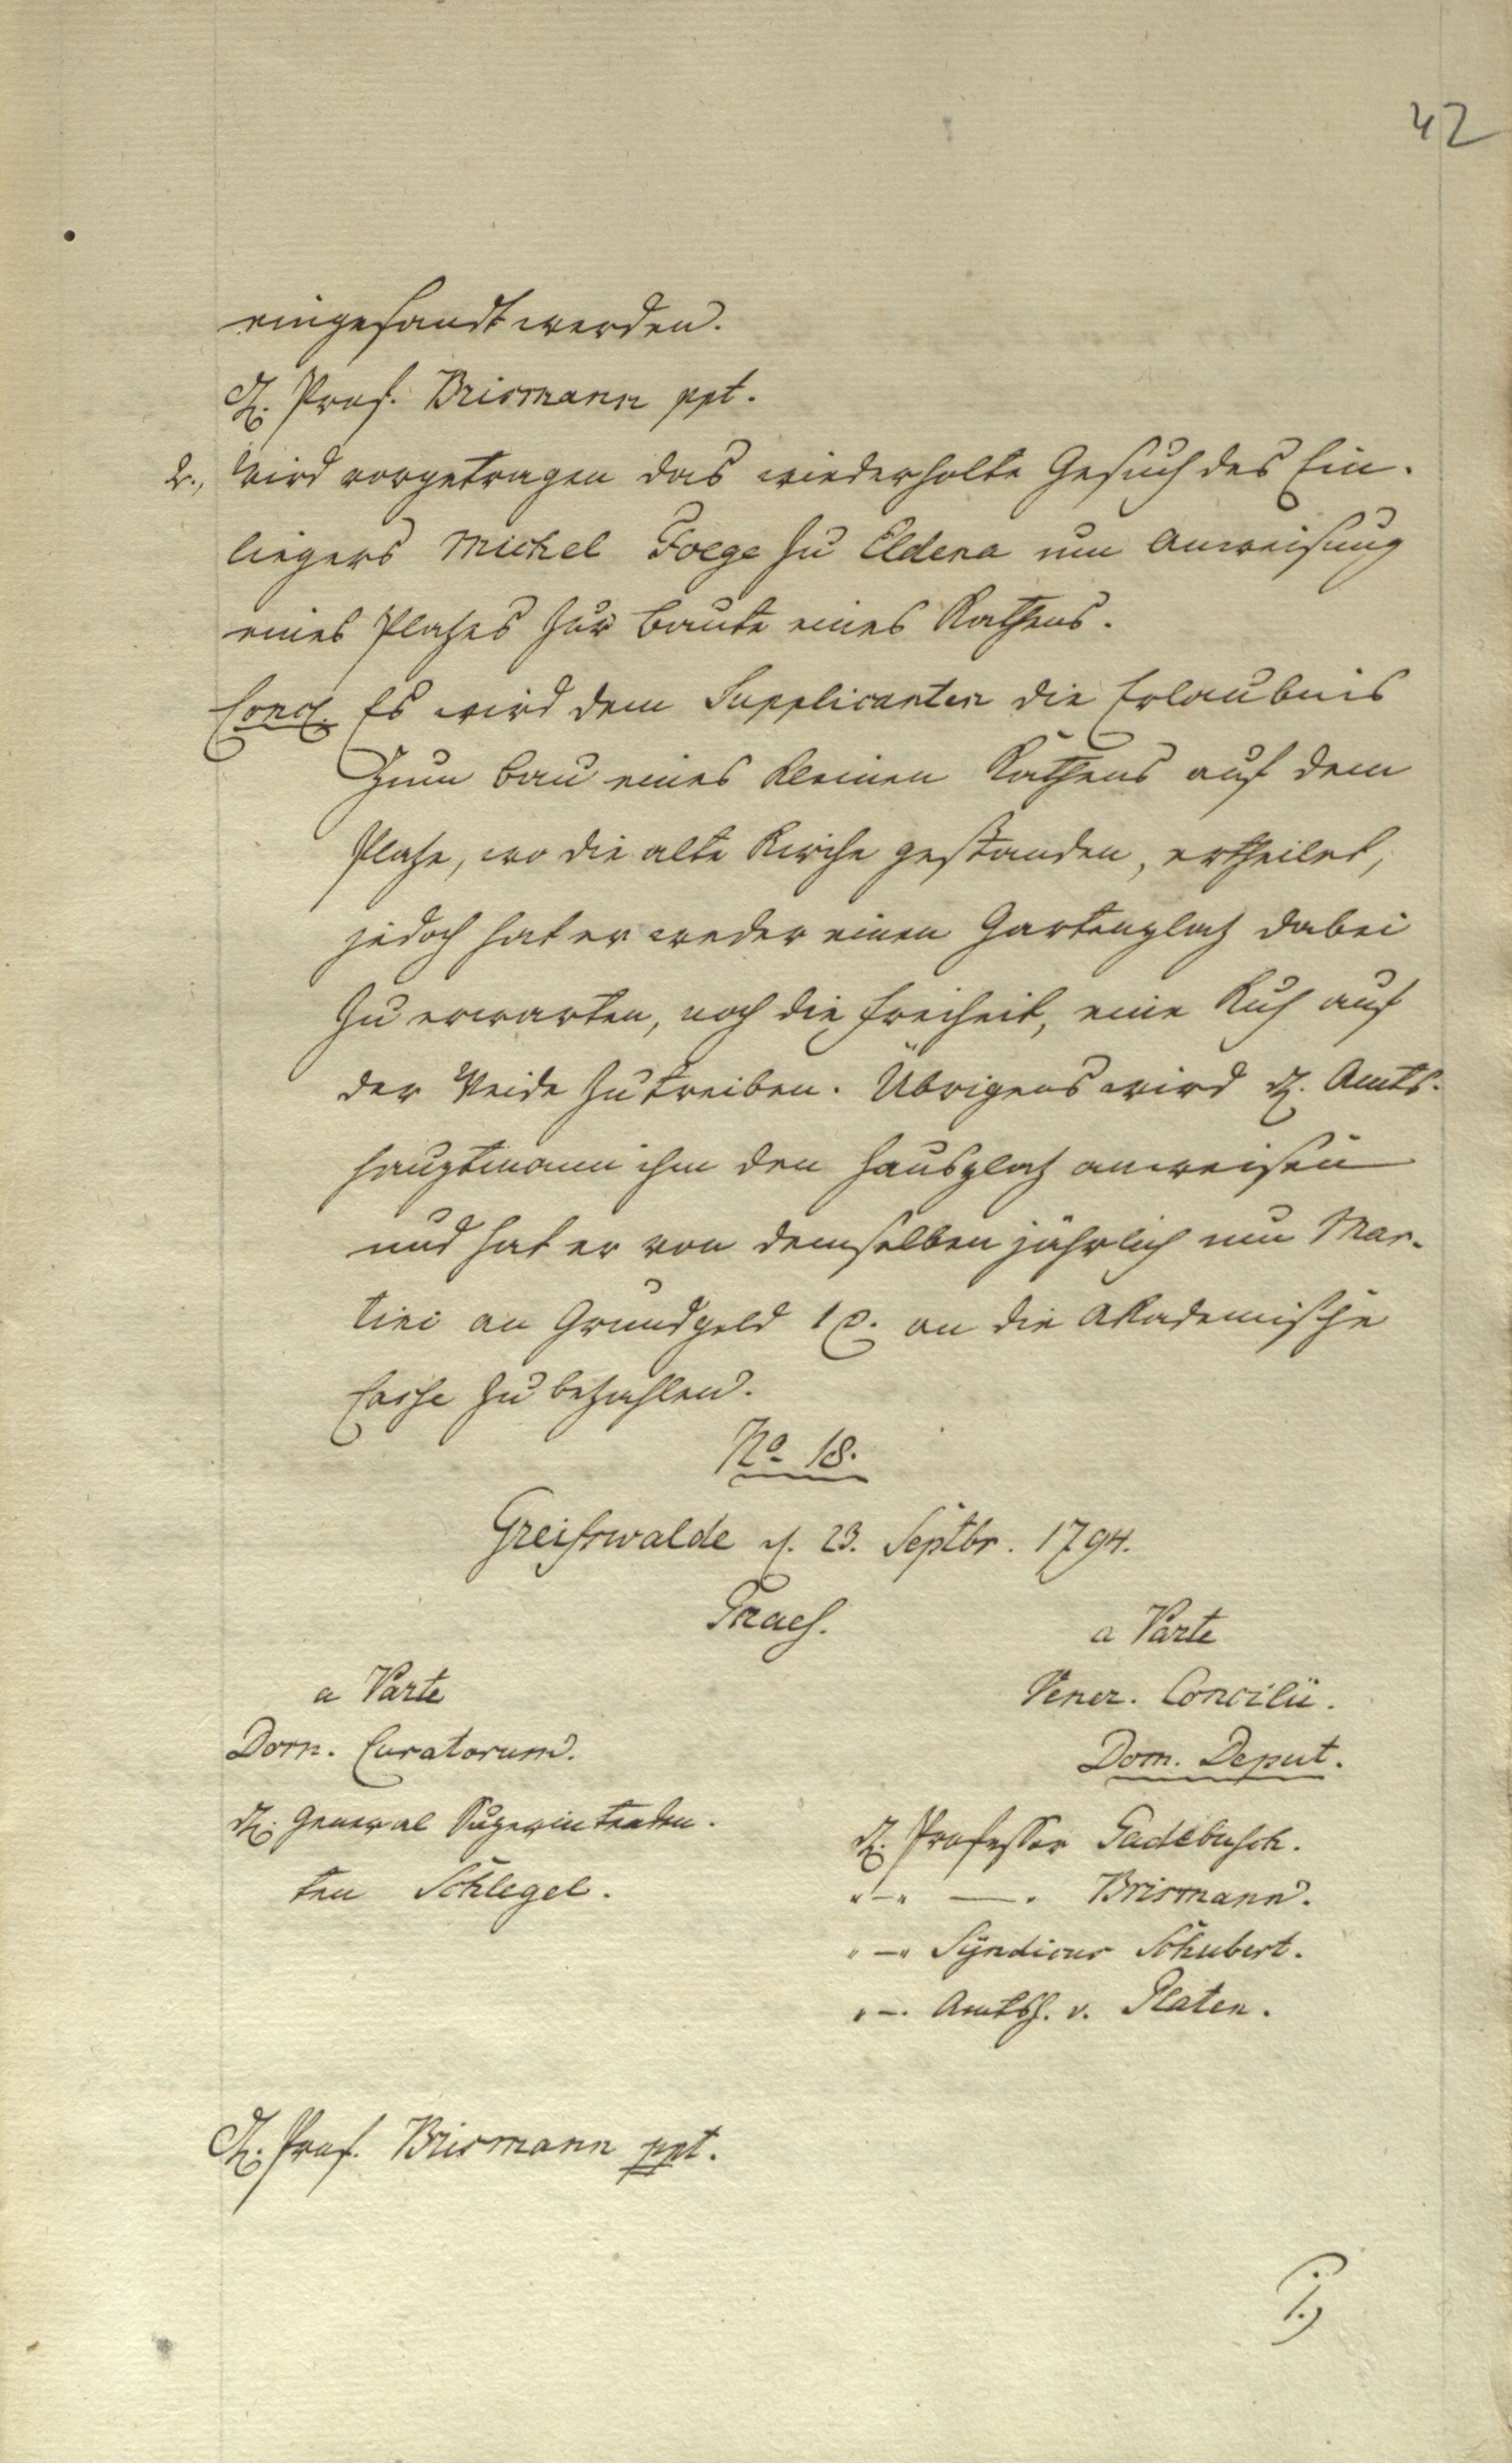eingesandt werden.
dh. Prof. Brismann ppt.
2., Wird vorgetragen das wiederholte Gesuch des Ein¬
liegers Michel Foege zu Eldena um Anweisung
eines Platzes zur Baute eines Kathens.
Concl. Es wird dem Supplicanten die Erlaubnis
zum Bau eines kleinen Kathens auf dem
Plaze, wo die alte Kirche gestanden, ertheilet,
jedoch hat er weder einen Gartenplaz dabei
zu erwarten, noch die Freiheit, eine Kuh auf
der Weide zutreiben. Übrigens wird dh. Amts¬
hauptmann ihm den Hausplaz anweisen
und hat er von demselben jährlich um Mar¬
lini an Grundgeld 1l. an die akademische
Casse zu bezahlen.
No 18.
Greifswalde d. 23. Septbr. 1794..
Praes.
a Parte
a Parte Vener. Concilii.
Dom. Curatorum. Dom. Deput.
dh. General Superintenden¬ dh. Professor Gadebusch.
ten Schlegel. Brismann.
Sÿndicus Schubert.
Amtsh. v. Platen.
dh. Prof. Brismann ppt.
1.,